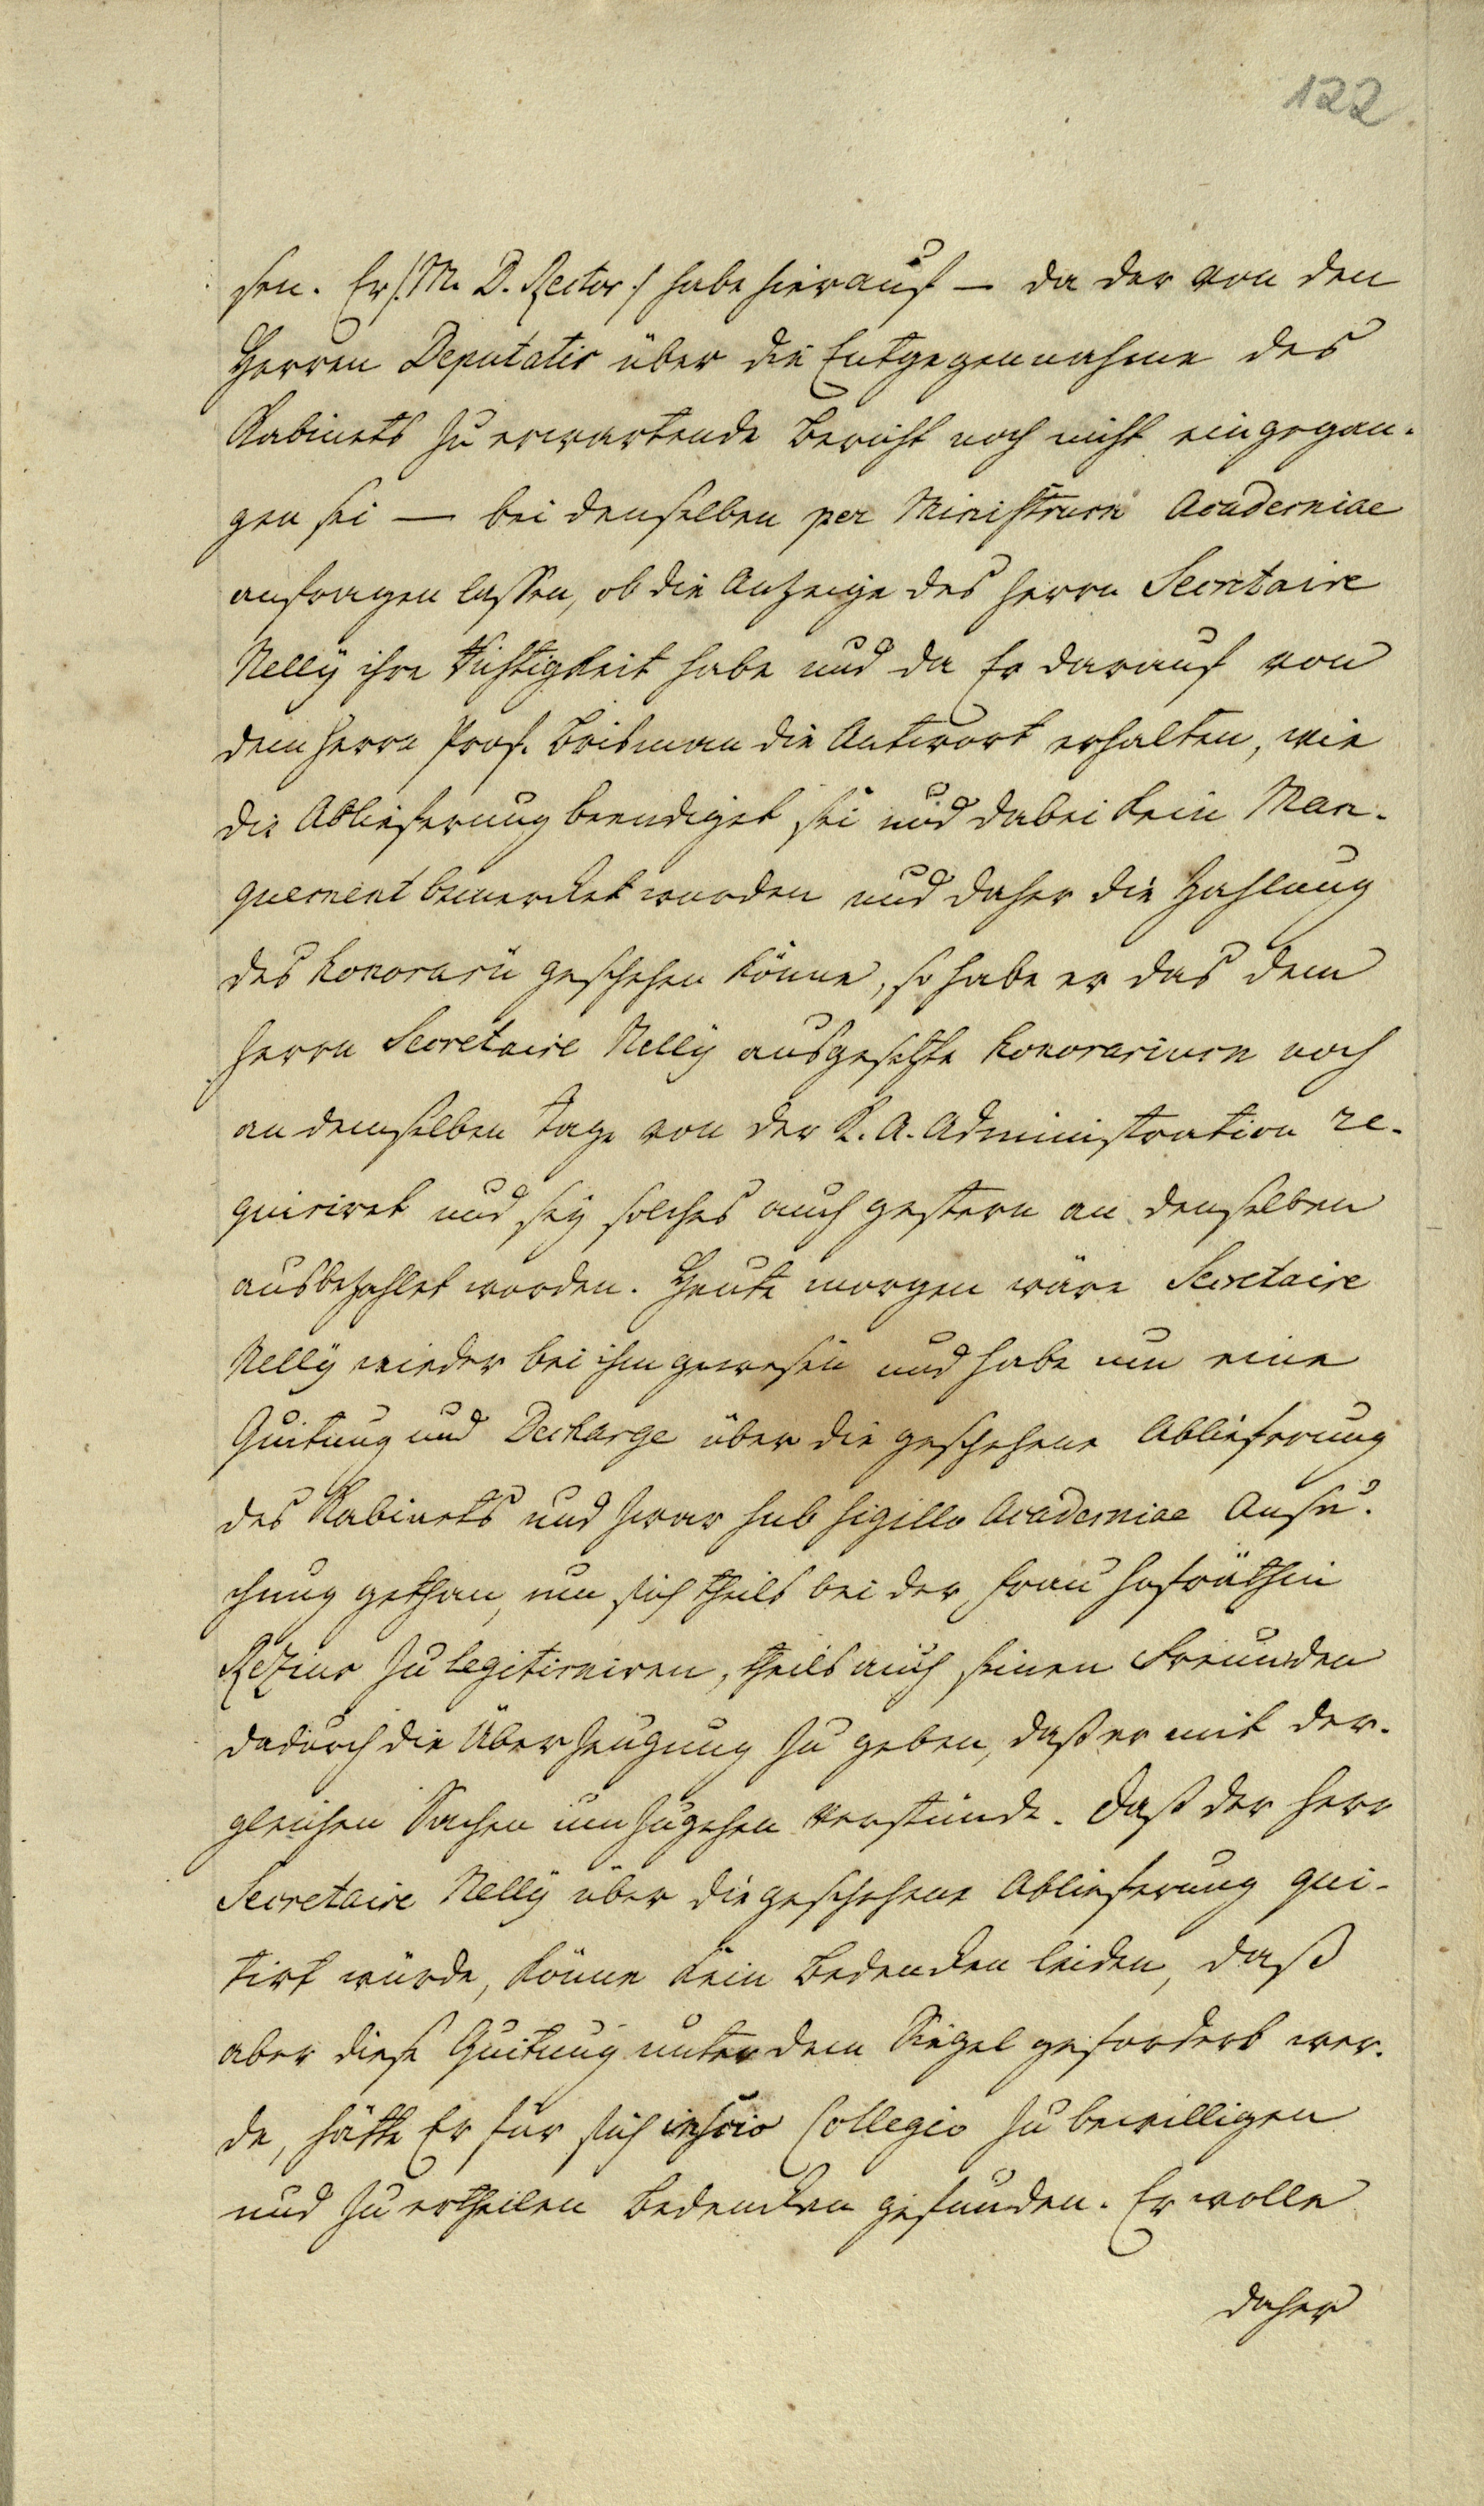sen. Er /. M. D. Rector ./ habe hierauf - da der von den
Herren Deputatis über die Entgegennahme des
Kabinets zu erwartende Bericht noch nicht eingegan¬
gen sei - bei denselben per Ministrum Academiae
anfragen lassen, ob die Anzeige des Herrn Secretaire
Nellÿ ihre Richtigkeit habe und da Er darauf von
dem Herrn Prof. Brisman die Antwort erhalten, wie
die Ablieferung beendiget sei und dabei kein Man¬
quement bemercket wurden und daher die Zahlung
des honorarii geschehen könne, so habe er das dem
Herrn Secretaire Nellÿ ausgesetzte honorarium noch
an demselben Tage von der K. A. Administration re¬
quiriret und seÿ solches auch gestern an denselben
ausbezahlet worden. Heute morgen wäre Secretaire
Nellÿ wieder bei ihm gewesen und habe um eine
Quitung und Decharge über die geschehene Ablieferung
des Kakinets und zwar sub sigillo Academiae Ansu¬
chung gethan, um sich theils bei der Frau Hofräthin
Rezius zu legitimiren, theils auch seinen Freunden
dadurch die Überzeugung zu geben, daß er mit der¬
gleichen Sachen um zugehen verstünde. Daß der Herr
Secretaire Nellÿ über die geschehene Ablieferung qui¬
tirt würde, könne kein Bedencken leiden, daß
aber diese Quitung unter dem Siegel gefordert wer¬
de, hätte Er für sich inscio Collegio zu bewilligen
und zu ertheilen Bedencken gefunden. Er wolle
daher